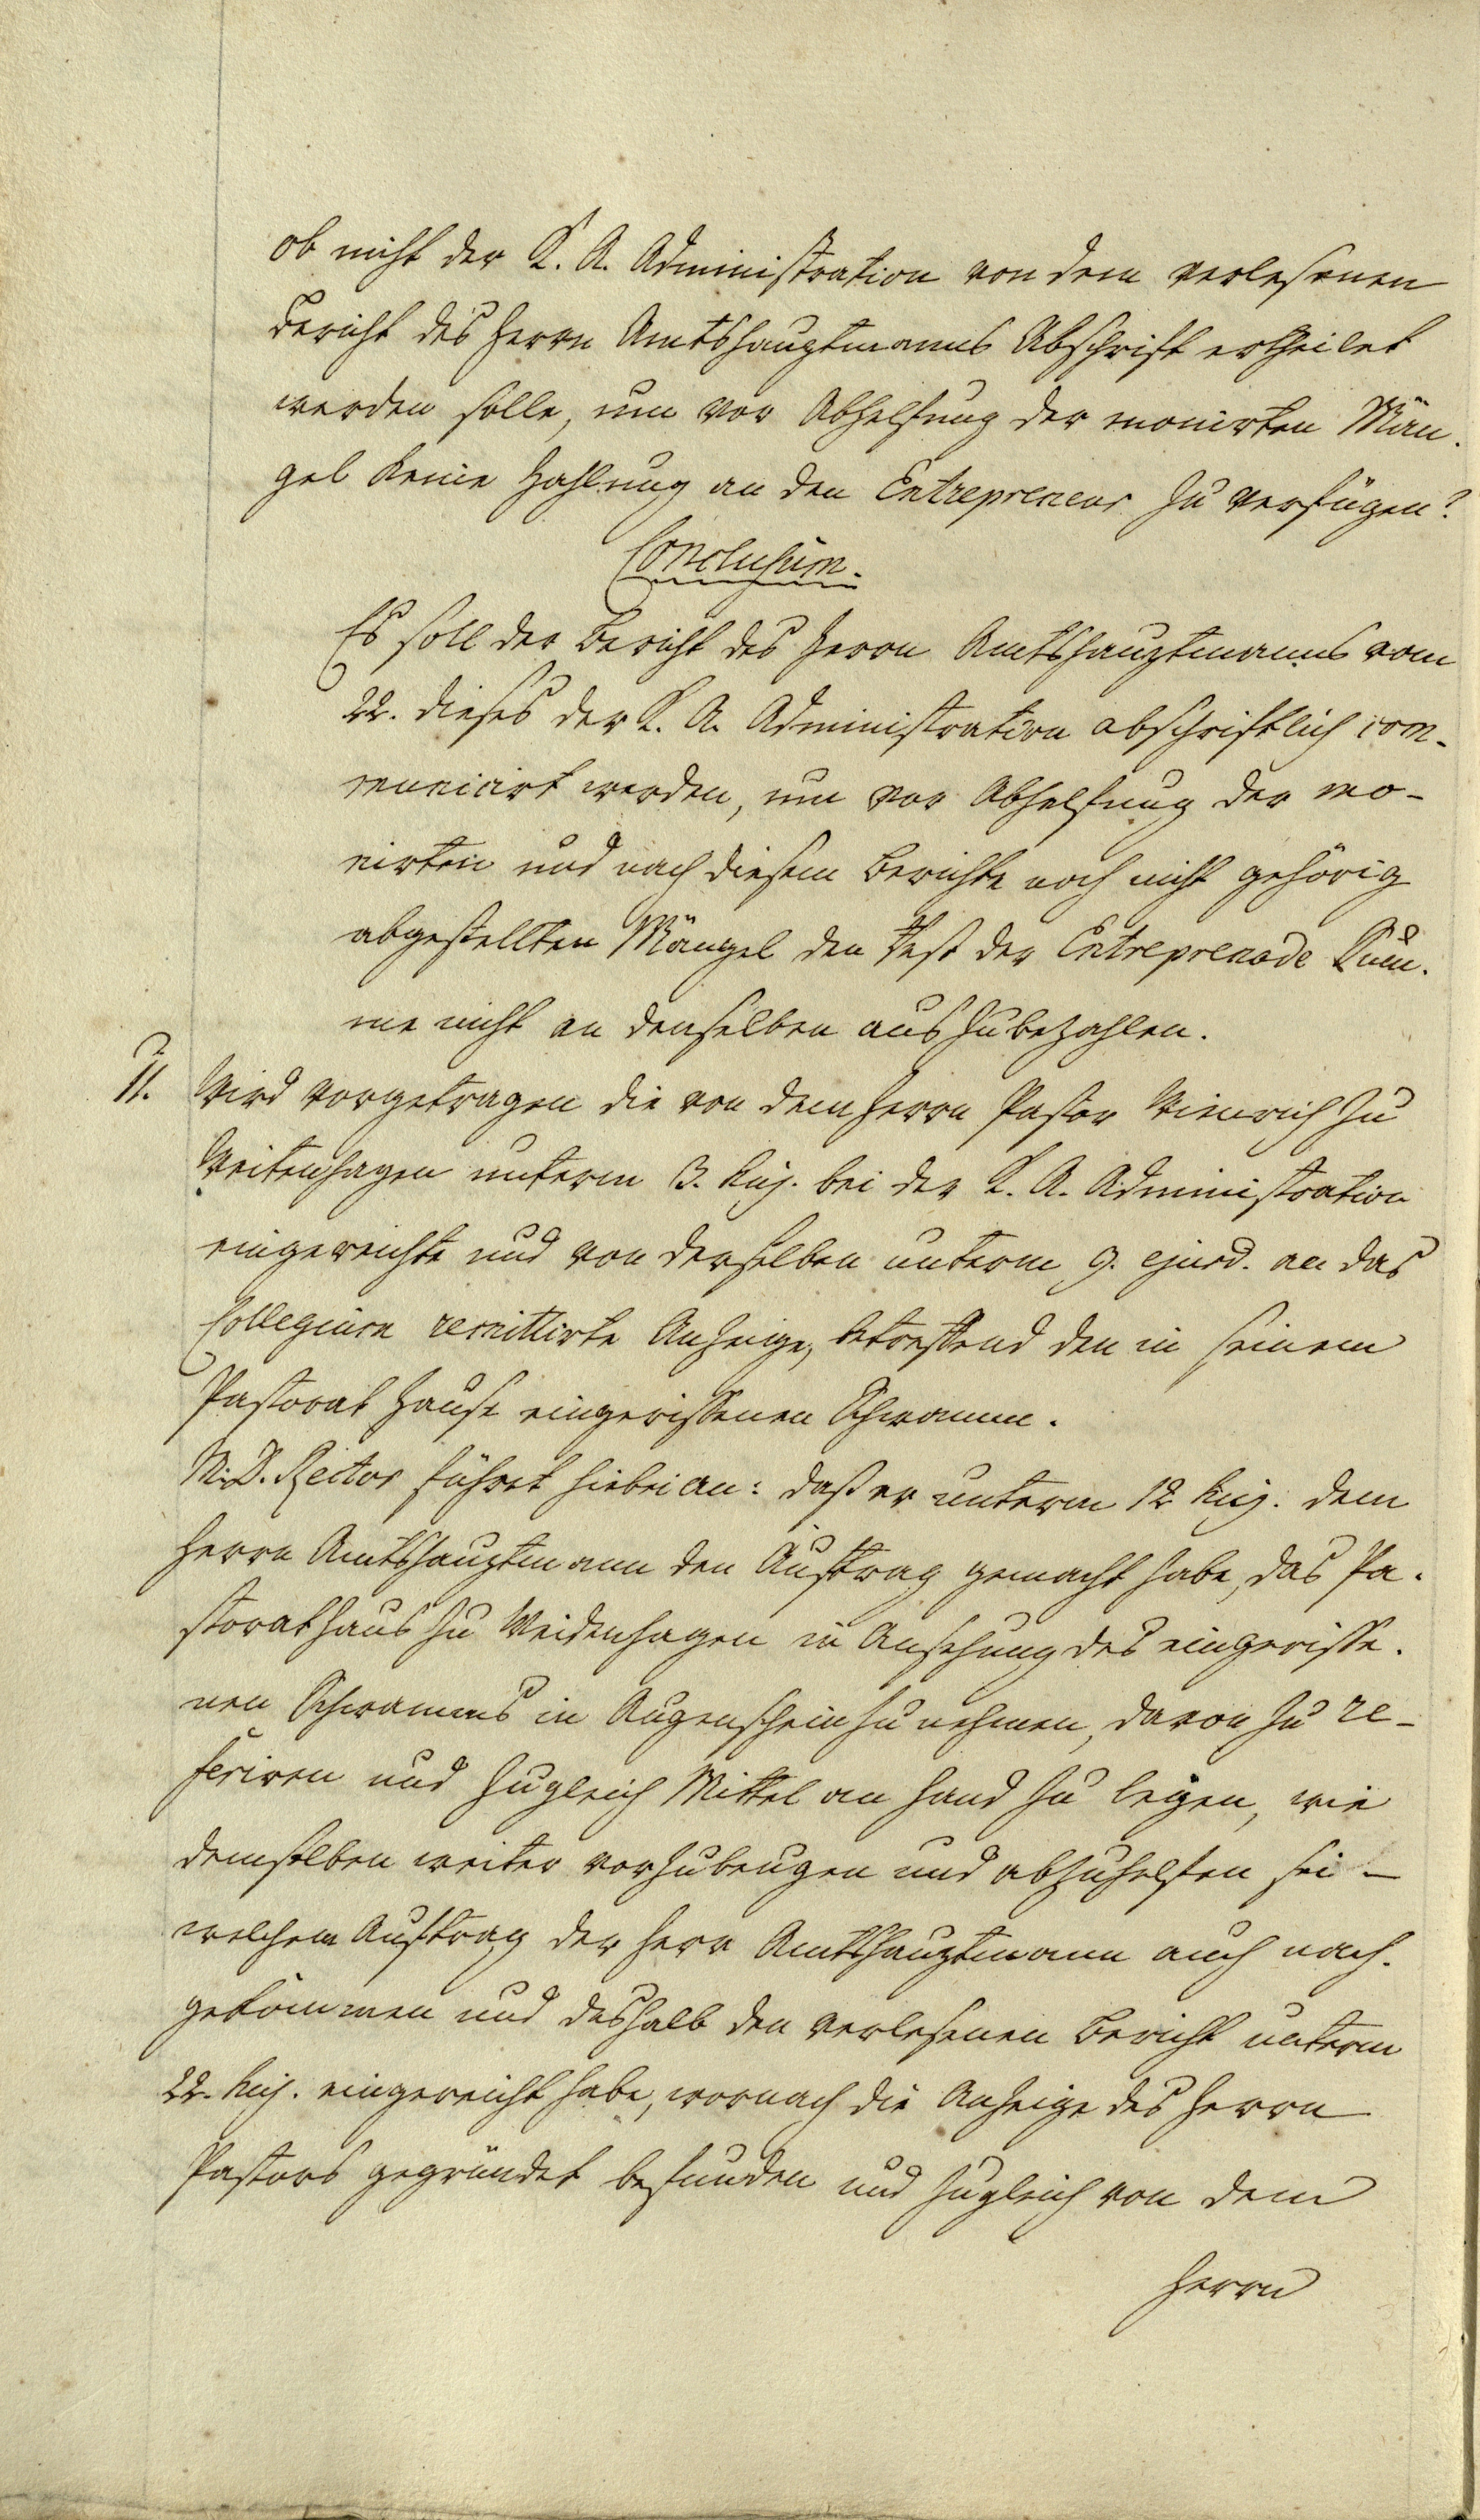ob nicht der K. A. Administration von dem verlesenen
Bericht des Herrn Amtshauptmanns Abschrift ertheilet
werden solle, um vor Abhelfung der monirten Män¬
gel keine Zahlung an den Entrepreneur zu verfügen?
Conclusum.
Es soll der Bericht des Herrn Amtshauptmanns vom
22. dieses der K. A. Administration abschriftlich com¬
municirt werden, um vor Abhelfung der mo¬
nirten und nach diesem Berichte noch nicht gehörig
abgestellten Mängel den Rest der Entreprenade Sum¬
me nicht an denselben auszubezahlen.
11. Wird vorgetragen die von dem Herrn Pastor Wienrich zu
Weitenhagen unterm 3. huj. bei der K. A. Administration
eingereichte und von derselben unterm 9. ejusd. an das
Collegium remittirte Anzeige, betreffend den in seinem
Pastorat Hause eingerissenen Schwamm.
M. D. Rector führet hiebei an: daß er unterm 12 huj. dem
Herrn Amtshauptmann den Auftrag gemacht habe, das Pa¬
storathaus zu Weidenhagen in Ansehung des eingerisse¬
nen Schwamms in Augenschein zu nehmen, davon zu re¬
feriren und zugleich Mittel an hand zu legen, wie
demselben weiter vorzubeugen und abzuhelfen sei,
welchem Auftrag der Herr Amtshauptmann auch nach¬
gekommen und deshalb den verlesenen Bericht unterm
22. huj. eingereicht habe, wornach die Anzeige des Herrn
Pastors gegründet befunden und zugleich von dem
Herrn